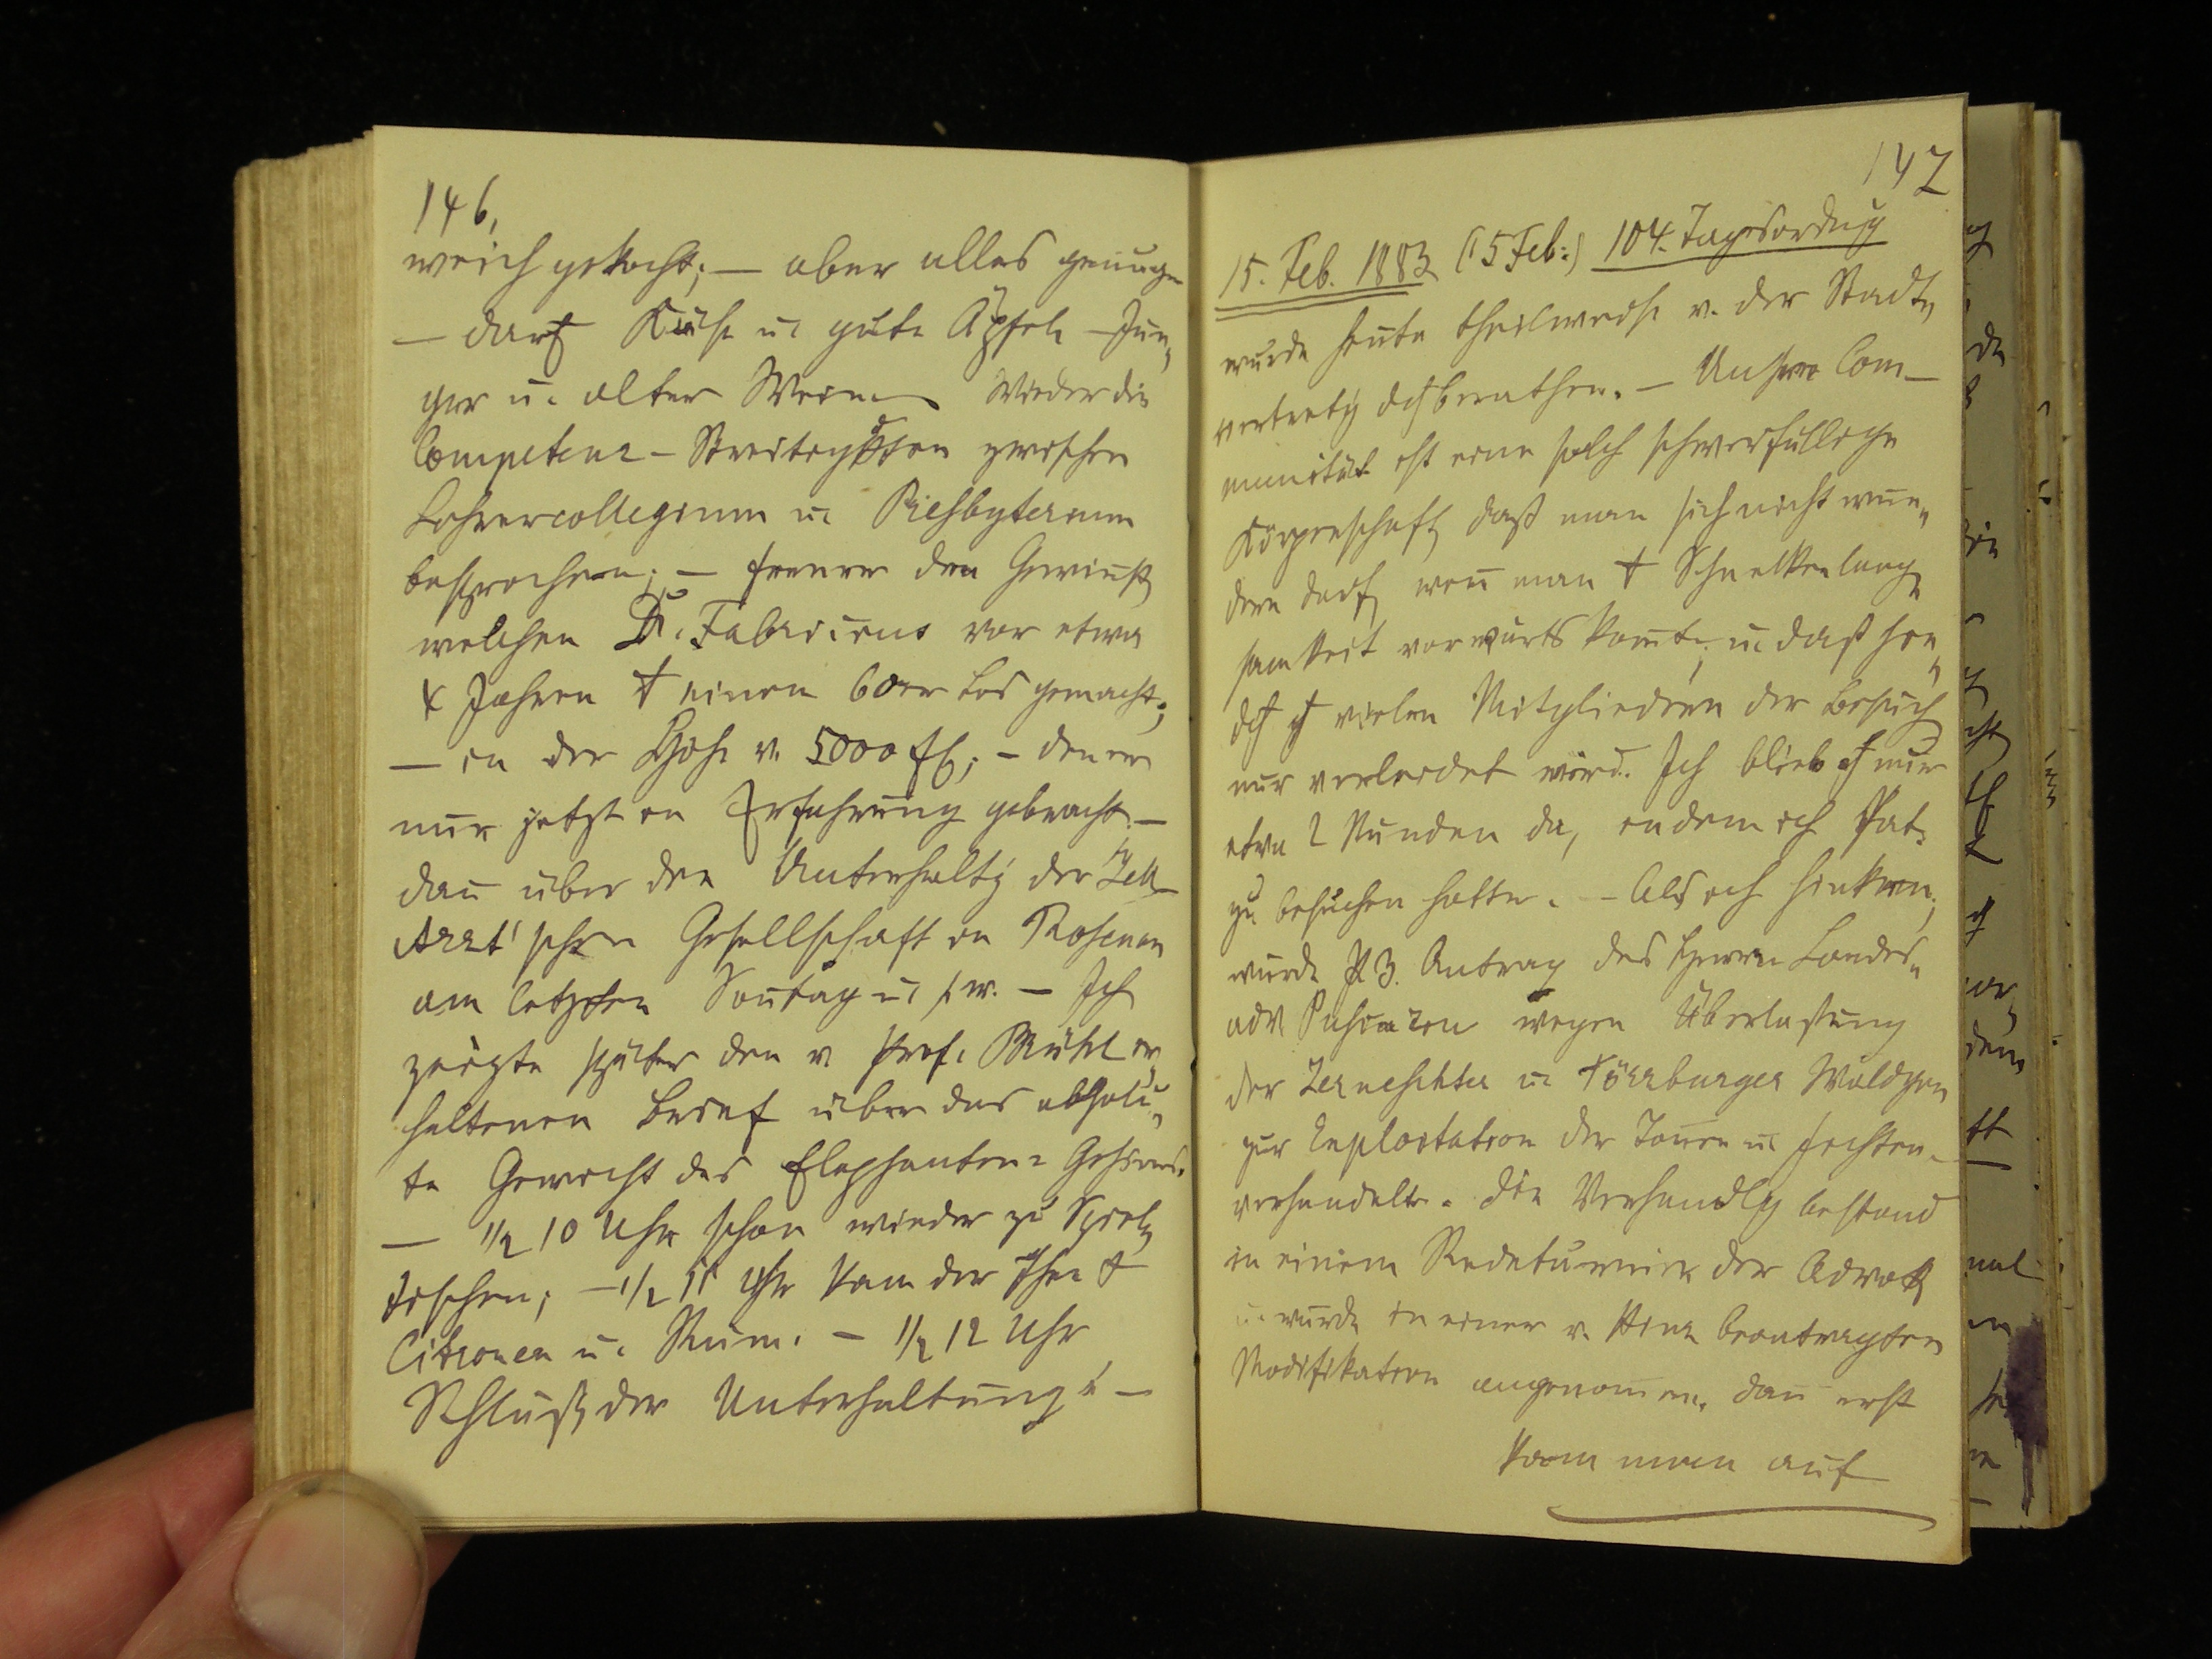146
weich gekocht;- aber alles junges.
-Danach Käse und gute Äpfel- Jun¬
ger und alter Wein.- Wieder die
Competenz-Streitigkeiten zwischen
Lehrerkollegium und Presbyterium
besprochen.- ferner der Gewinn
weilchen Dr. Fabricius vor etwa
4 Jahren mit einem 60 er Los gemacht
– in der Höhe von 500 Fl,- die er
nur jetzt in Erfahrung bebracht.-
dann über die Unterhaltung der Zell
Arzt-schen Gesellschaft in Rosenau
am letzten Sonntag u.s.w.- Ich
zeigte später den von Prof Mühl im
seltenen Beruf über das absolu¬
te Gewicht des Elephanten –Gehirns
—1/2 10 Uhr schon wieder zu Spiel¬
tischen;--1/2 1 Uhr der Thee mit
Citronen und Rum.—1/2 12 Uhr
Schluß der Unterhaltung..—
147
15. Februar 1883. (: 5. Febr: .:) 104 Tagesordnung.
Wurde heute theilweise von der Stadt¬
verwaltung durchberaten.—Unsere Com¬
unität ist eine solch schwerfällige
Körperschaft , daß man sich nicht wun¬
dern darf, wenn man mit Schneckenlang¬
samkeit vorwärts kommt, und daß so¬
mit auch vielen Mitglieder der Besuch
nur verleidet wird. Ich blieb auch nur
etwa 2 Stunden da, indem ich Patienten
zu besuchen hatte.—Als ich hinkam
wurde P3. Antrag des Herren Landes-
adv. Puhiatu wegen Überlaßung
der Zernechter und Törzburger Wäldchen
zur Exploitation der Tannen und Fichten
verhandelt. Die Verhandlung bestand
in einem Redetournier der Advokaten
und wurde in einer von Hinz beantragten
Modifikation angenommen. Dann erst
kam man auf